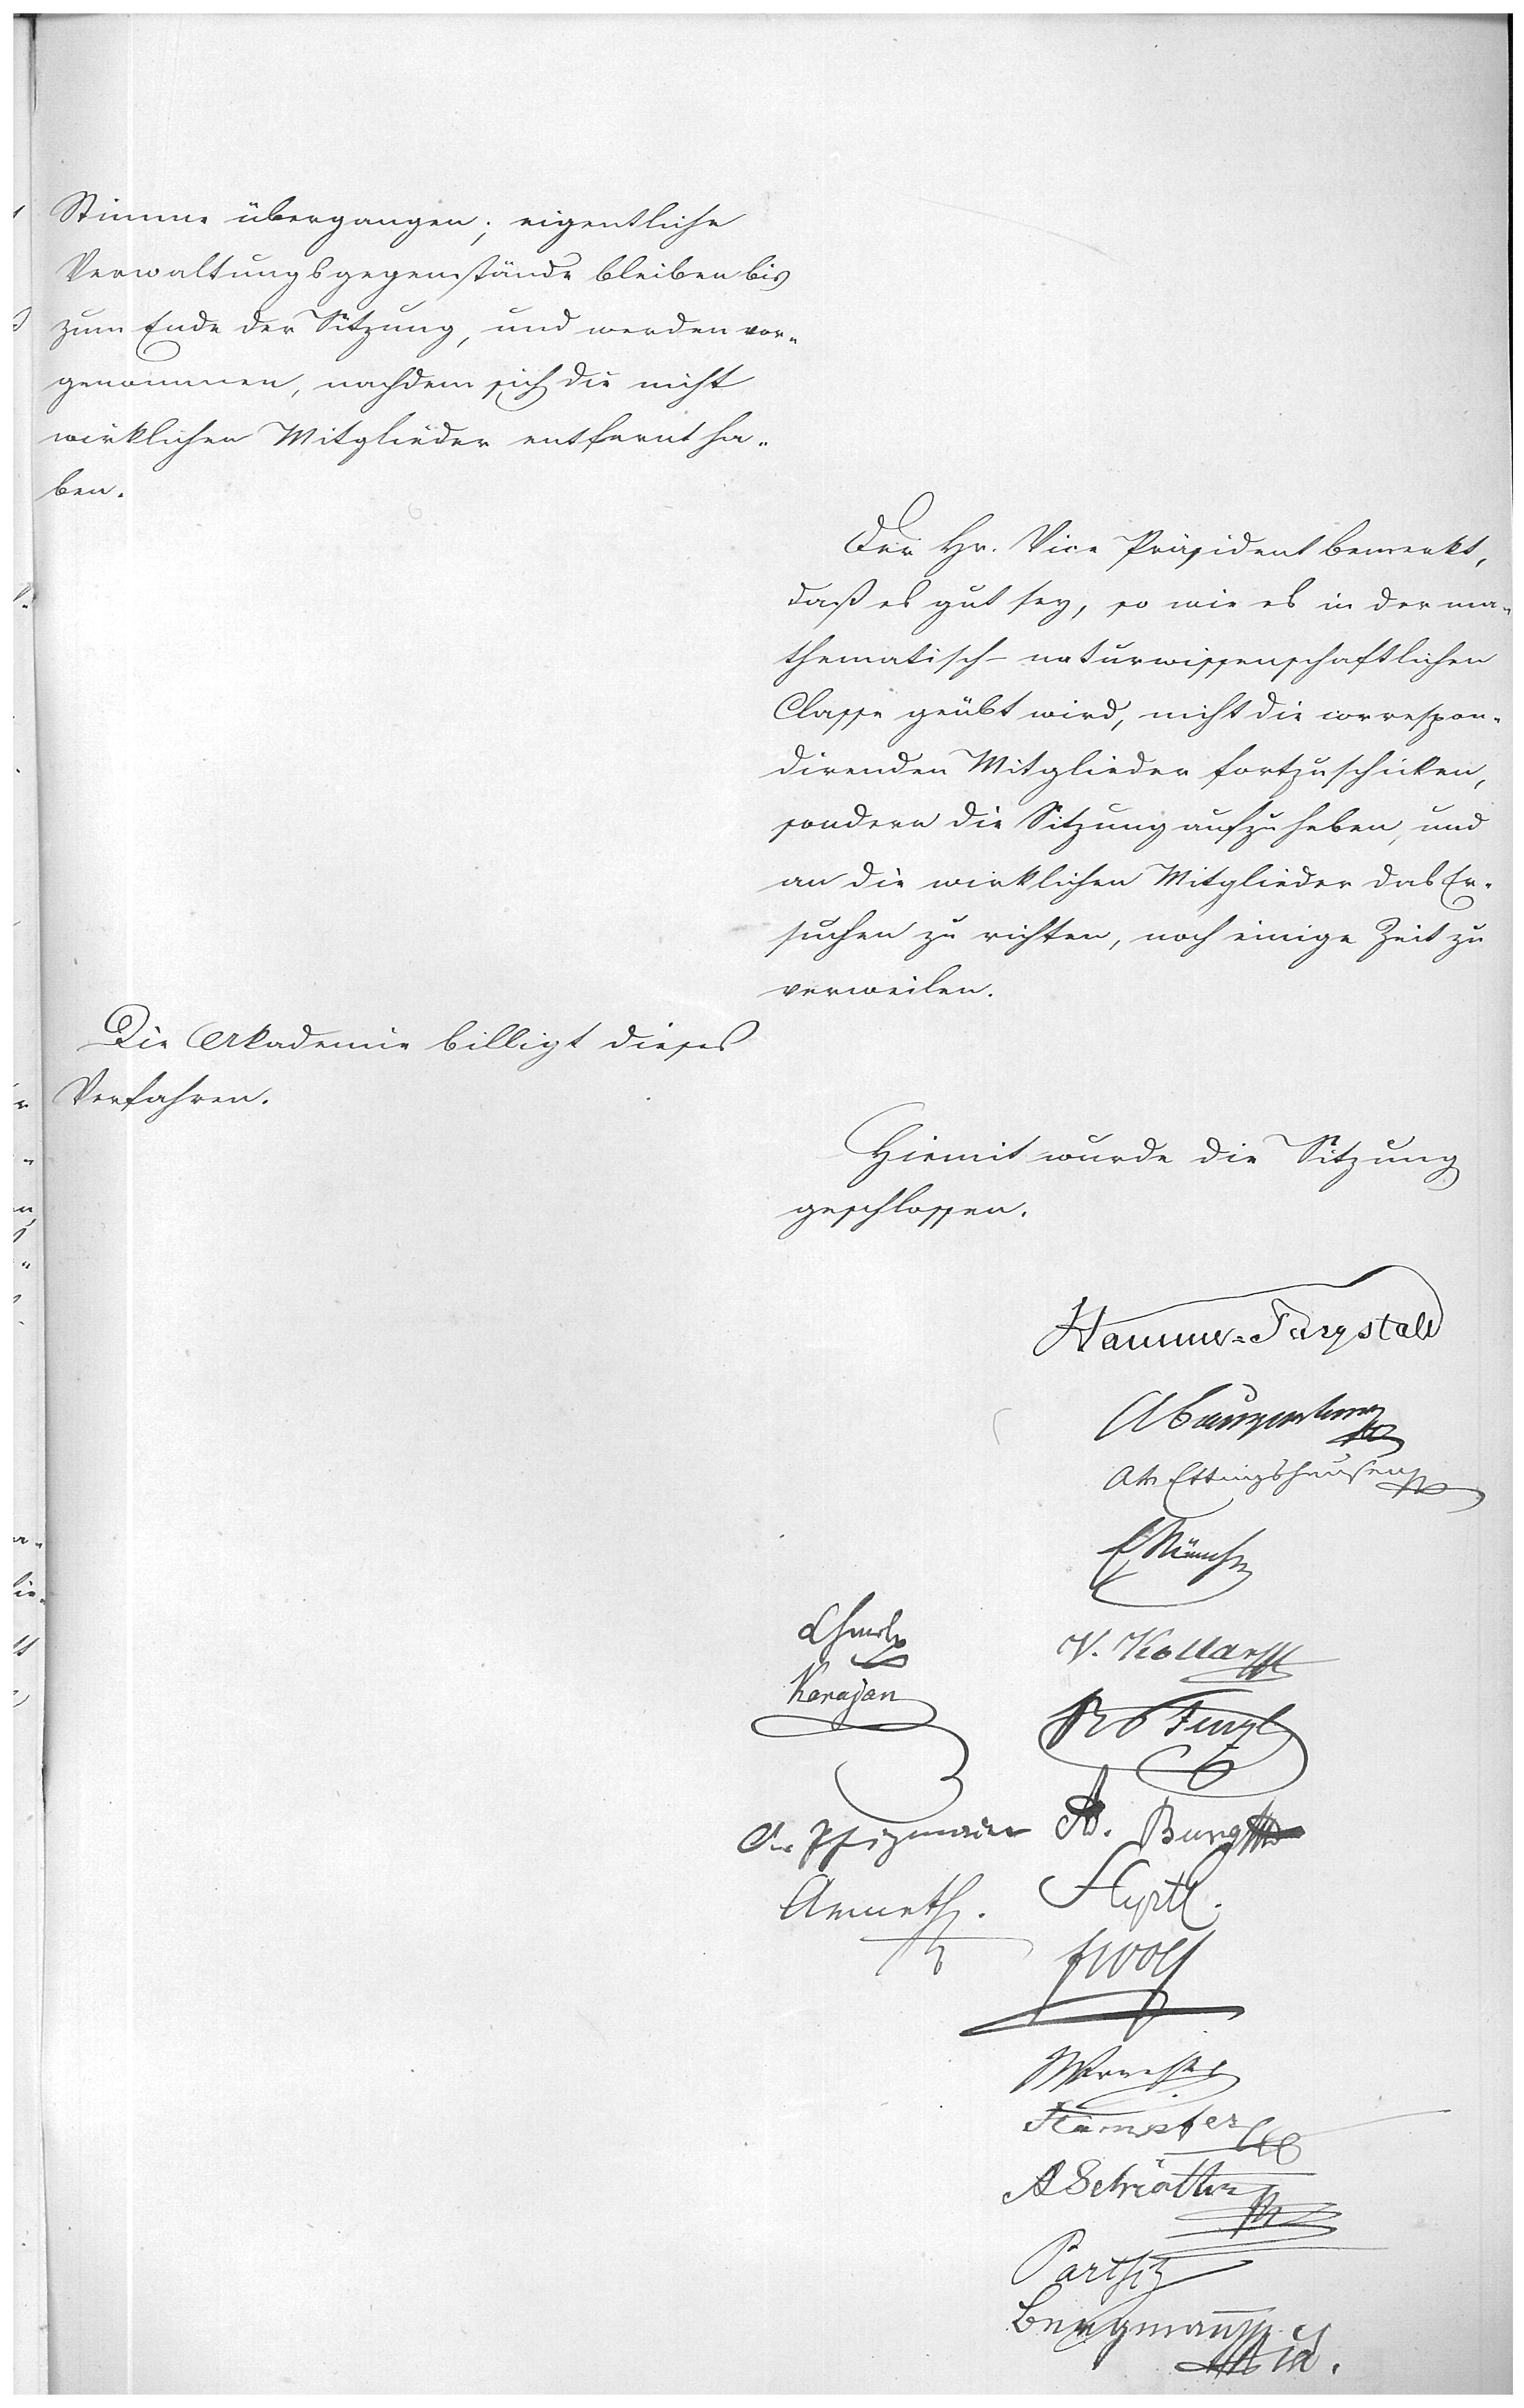Stimme übergangen; eigentliche
Verwaltungsgegenstände bleiben bis
zum Ende der Sitzung, und werden vor-
genommen, nachdem sich die nicht
wirklichen Mitglieder entfernt ha-
ben.
Der Hr. Vice-Präsident bemerkt,
daß es gut sey, so wie es in der ma-
thematisch-naturwissenschaftlichen
Classe geübt wird, nicht die correspon-
direnden Mitglieder fortzuschicken,
sondern die Sitzung aufzuheben, und
an die wirklichen Mitglieder das Er-
suchen zu richten, noch einige Zeit zu
verweilen.
Die Akademie billigt dieses
Verfahren.
Hiemit wurde die Sitzung
geschlossen.
Hammer-Purgstall
ABaumgartner
AvEttingshausen
EMünch
Chmel
V. Kollar
Karajan
Ed Fenzl
A. Burg
A.Pfizmaier
Hyrtl
Arneth
FWolf
Prechtl
Stampfer
ASchrötter
Partsch
Bergmann